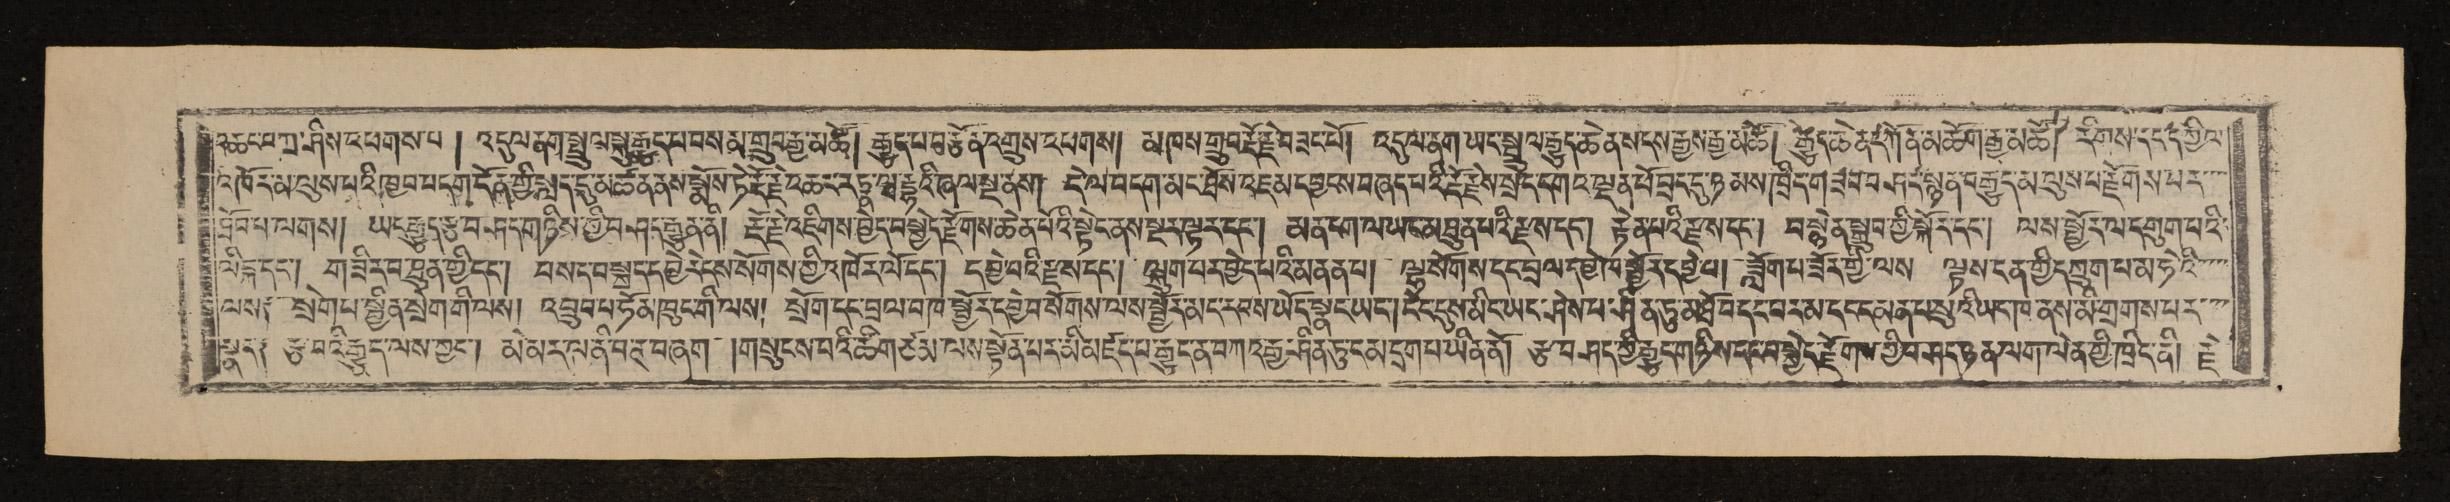འཆང་བཀྲ་ཤིས་འཕགས་པ། འདུལ་ནག་སྤྲུལ་སྐུ་རྒྱུད་པ་བསམ་གྲུབ་རྒྱ་མཚོ། རྒྱུད་པ་བརྩོན་འགྲུས་འཕགས། མཁས་གྲུབ་རྡོ་རྗེ་བཟང་པོ། འདུལ་ནག་ཡང་སྤྲུལ་རྒྱུད་ཆེན་སངས་རྒྱས་རྒྱ་མཚོ། རྒྱུད་ཆེན་དཀོན་མཆོག་རྒྱ་མཚོ། རིགས་དང་དཀྱིལ་
འཁོར་མ་ལུས་པའི་ཁྱབ་བདག་དོན་གྱི་སླད་དུ་མཚན་ནས་སྨོས་ཏེ་རྡོ་རྗེ་འཆང་རཏྣ་ཝ་རྡྷའི་ཞལ་སྔ་ནས། དེ་ལ་བདག་མང་ཐོས་འཇམ་དབྱངས་བཞད་པའི་རྡོ་རྗེས་སྲད་དགའ་ལྡན་ཕོ་བྲང་དུ་ཉམས་ཁྲིད་གཟབ་བཤད་སྙན་བརྒྱུད་མ་ལུས་པ་རྫོགས་པར་
ཐོབ་པ་ལགས། ཡང་རྒྱུད་རྩ་བཤད་གཉིས་ཀྱི་བཤད་རྒྱུན་ནི། རྡོ་རྗེ་འཇིགས་བྱེད་བསྐྱེད་རྫོགས་ཆེན་པོའི་སྟེང་ནས་སྔར་ལྟར་དང་། མན་ངག་ལ་ཡང་མཐུན་པའི་རྫས་དང་། རྟེན་པའི་རྫས་དང་། བསྙེན་སྒྲུབ་ཀྱི་སྐོར་དང་། ལས་སྦྱོར་ལ་དགུག་པའི་
ལིངྐ་དང་། གཟིར་བ་ཐུན་གྱི་དང་། བསད་བསྐྲད་དབྱེ་རེངས་སོགས་ཀྱི་འཁོར་ལོ་དང་། དབྱེ་བའི་རྫས་དང་། ལྐུག་པར་བྱེད་པའི་མནན་པ། ལྷ་སོགས་དང་བྲལ་དབྱེ་ཁ་སྦྱོར་དབྱེ་བ། ཟློག་པ་ཟོར་གྱི་ལས། ལྟས་ངན་གྱི་དཀྲུག་པ་མ་ཧེའི་
ལས༑ སྲེག་པ་སྦྱིན་སྲེག་གི་ལས། འབྲུབ་པ་ཧོམ་ཁུང་གི་ལས། སྲོག་དང་བྲལ་བ་ཁ་སྦྱོར་དབྱེ་བ་སོགས་ལས་སྦྱོར་མང་རབས་ཡོད་སྣང་ཡང་། དེང་དུས་མིང་ཡང་ཤེས་པ་ཤིན་ཏུ་མཐོ་བ་དང་བར་མ་དང་དམན་པ་སུའི་ཡང་ཁ་ནས་མི་གྲགས་པར་
སྣང༑ རྩ་བའི་རྒྱུད་ལས་ཀྱང་། མེ་མར་ལ་ནི་བ་ཊ་བཞག །གསུངས་པའི་ཚིག་ཙམ་ལས་སྟོན་པར་མི་མཛད་པ་རྒྱུད་ན་བཀའ་རྒྱ་ཤིན་ཏུ་དམ་དྲག་པ་ཡིན་ནོ། རྩ་བཤད་ཀྱི་རྒྱུད་གཉིས་དང་བསྐྱེད་རྫོགས་ཀྱི་བཤད་ཉན་ལག་ལེན་གྱི་ཁྲིད་ནི། རྗེ་